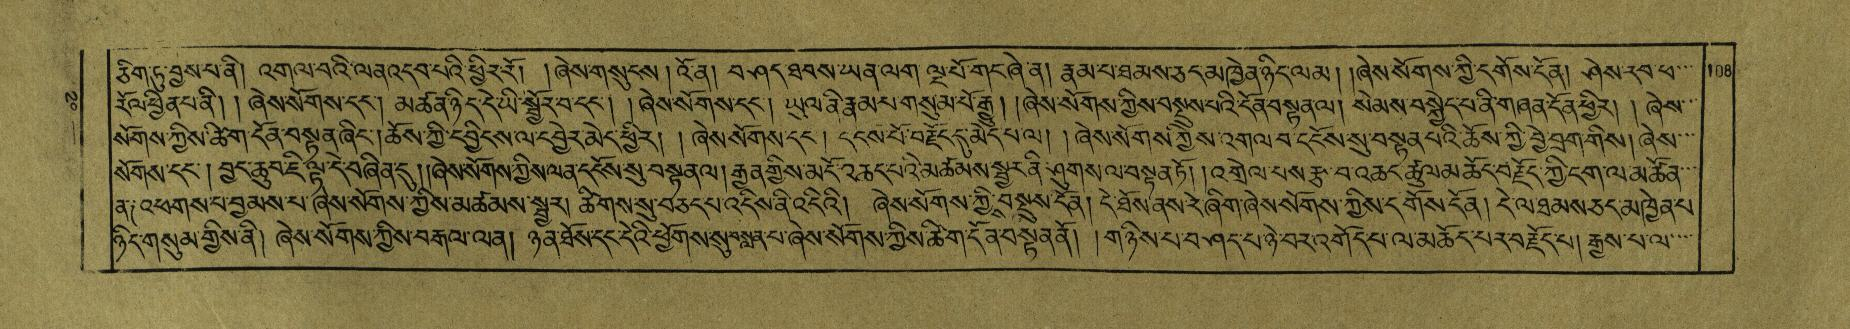ཅིག་ཏུ་བྱས་པ་ནི། འགལ་བའི་ལན་འདབ་པའི་ཕྱིར་རོ། །ཞེས་གསུངས་།འོ་ན། བཤད་ཐབས་ཡན་ལག་ལྔ་པོ་གང་ཞེ་ན། རྣམ་པ་ཐམས་ཅད་མཁྱེན་ཉིད་ལམ། །ཞེས་སོགས་ཀྱི་དགོས་དོན། ཤེས་རབ་ཕ་
རོལ་ཕྱིན་པ་ནི། །ཞེས་སོགས་དང་། མཚན་ཉིད་དེ་ཡི་སྦྱོར་བ་དང་། །ཞེས་སོགས་དང་། ཡུལ་ནི་རྣམ་པ་གསུམ་པོ་རྒྱུ། །ཞེས་སོགས་ཀྱིས་བསྡུས་པའི་དོན་བསྟན་ལ། སེམས་བསྐྱེད་པ་ནི་གཞན་དོན་ཕྱིར། །ཞེས་
སོགས་ཀྱིས་ཚིགས་དོན་བསྟན་ཞིང་། ཆོས་ཀྱི་དབྱིངས་ལ་དབྱེར་མེད་ཕྱིར། །ཞེས་སོགས་དང་། དངོས་པོ་བརྗོད་དུ་མེད་པ་ལ། །ཞེས་སོགས་ཀྱིས་འགལ་བ་དངོས་སུ་བསྟན་པའི་ཆོས་ཀྱི་བྱེ་བྲག་གིས། ཞེས་
སོགས་དང་། བྱང་ཆུབ་ཇི་ལྟ་དེ་བཞིན་དུ། །ཞེས་སོགས་ཀྱིས་ལན་དངོས་སུ་བསྟན་ལ། རྒྱན་གྱིས་མདོ་འཆད་པའི་མཚམས་སྦྱར་ནི་ཤུགས་ལ་བསྟན་ཏོ། །འགྲེལ་པས་རྩ་བ་འཆང་ཚུལ་མཆོད་བརྗོད་ཀྱི་དག་ལ་མཚོན་
ན༑ འཕགས་པ་བྱམས་པ་ཞེས་སོགས་ཀྱིས་མཚམས་སྦྱར། ཚིགས་སུ་བཅད་པ་འདིས་ནི་འདིའི། ཞེས་སོགས་ཀྱི་བསྡུས་དོན། དེ་ཐོས་ནས་རེ་ཞིག་ཞེས་སོགས་ཀྱིས་དགོས་དོན། དེ་ལ་ཐམས་ཅད་མཁྱེན་པ་ཉིད་གསུམ་གྱིས་ནི། ཞེས་སོགས་ཀྱིས་བརྒལ་ལན། ཉན་ཐོས་དང་དེའི་ཕྱོགས་སུ་བསླན་པ་ཞེས་སོགས་ཀྱིས་ཚིགས་དོན་བསྟན་ནོ། །གཉིས་པ་བཤད་པ་ཉེ་བར་འགོད་པ་ལ་མཆོད་པར་བརྗོད་པ། རྒྱས་པ་ལ་